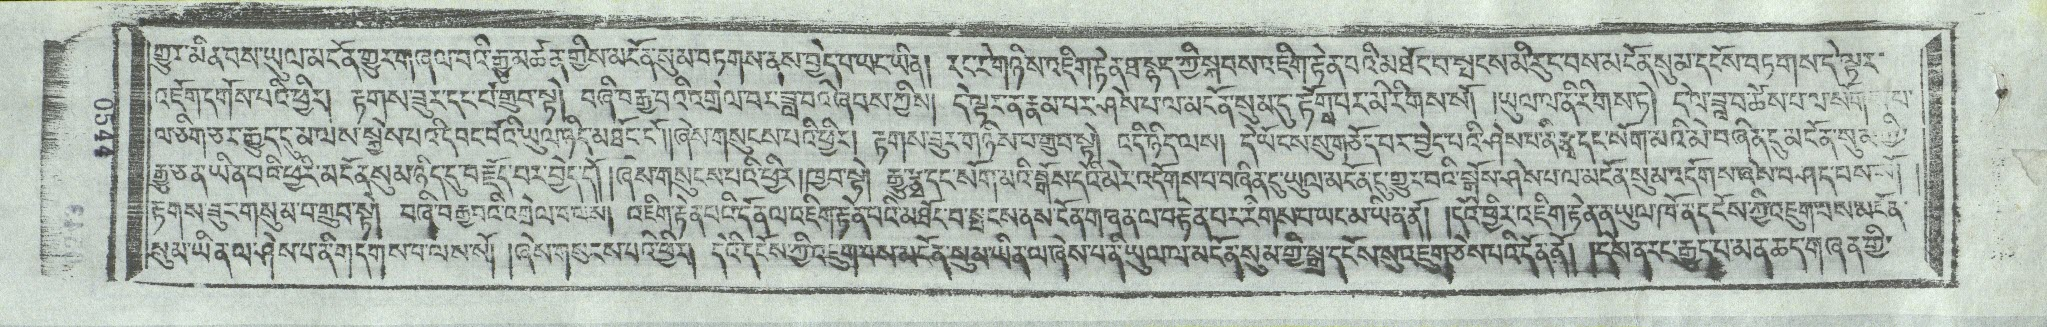གྱུར་མིན་པས་ཡུལ་མངོན་གྱུར་གཞལ་བའི་རྒྱུ་མཚན་གྱིས་མངོན་སུམ་བཏགས་ནས་བྱེད་པ་ཡང་ཡིན། རང་རེ་གཉིས་འཇིག་རྟེན་ཐ་སྙད་ཀྱི་སྐབས་འཇིག་རྟེན་པའི་མཐོང་བ་སྤངས་མི་རུང་བས་མངོན་སུམ་དངོས་བཏགས་དེ་ལྟར་
འཇོག་དགོས་པའི་ཕྱིར། རྟགས་ཟུར་དང་པོ་གྲུབ་སྟེ། བཞི་བརྒྱ་བའི་འགྲེལ་བར་ཟླ་བའི་ཞབས་ཀྱིས། དེ་ལྟར་ན་རྣམ་པར་ཤེས་པ་ལ་མངོན་སུམ་དུ་རྟོགས་པར་མི་རིགས་སོ། །ཡུལ་ལ་ནི་རིགས་ཏེ། དེ་ལ་ཟླ་བ་ཚེས་པ་ལ་སོགས་པ་
ལ་ཅིག་ཅར་རྒྱུད་དུ་མ་ལས་སྐྱེས་པའི་དབང་པོའི་ཡུལ་ཉིད་མཐོང་ངོ། །ཞེས་གསུངས་པའི་ཕྱིར། རྟགས་ཟུར་གཉིས་པ་གྲུབ་སྟེ། འདི་ཉིད་ལས། དེ་ཡོངས་སུ་གཅོད་པར་བྱེད་པའི་ཤེས་པ་ནི་རྩྭ་དང་སོག་མའི་མེ་བཞིན་དུ་མངོན་སུམ་གྱི་
རྒྱུ་ཅན་ཡིན་པའི་ཕྱིར་མངོན་སུམ་ཉིད་དུ་བརྗོད་པར་བྱེད་དོ། །ཞེས་གསུངས་པའི་ཕྱིར། ཁྱབ་སྟེ། རྒྱུ་རྩྭ་དང་སོག་མའི་སྒོས་དེའི་མེར་འདོགས་པ་བཞིན་དུ་ཡུལ་མངོན་དུ་གྱུར་བའི་སྒོས་ཤེས་པ་ལ་མངོན་སུམ་འདོགས་ཞེས་བཤད་པས་སོ། །
རྟགས་ཟུང་གསུམ་པ་གྲུབ་སྟེ། བཞི་བརྒྱ་བའི་འགྲེལ་བ་ལས། འཇིག་རྟེན་པའི་དོན་ལ་འཇིག་རྟེན་པའི་མཐོང་བ་སྤངས་ནས་དོན་གཞན་ལ་བརྟེན་པར་རིགས་པ་ཡང་མ་ཡིན་ནོ། །དེའི་ཕྱིར་འཇིག་རྟེན་ན་ཡུལ་ཁོ་ན་དངོས་ཀྱི་འཇུག་པས་མངོན་
སུམ་ཡིན་ལ་ཤེས་པ་ནི་གདགས་པ་ལས་སོ། །ཞེས་གསུངས་པའི་ཕྱིར། དེའི་དངོས་ཀྱི་འཇུག་པས་མངོན་སུམ་ཡིན་ལ་ཞེས་པ་ནི་ཡུལ་ལ་མངོན་སུམ་གྱི་སྒྲ་དངོས་སུ་འཇུག་ཅེས་པའི་དོན་ནོ། །དེས་ན་རང་རྒྱུད་པ་མན་ཆད་གཞན་གྱི་